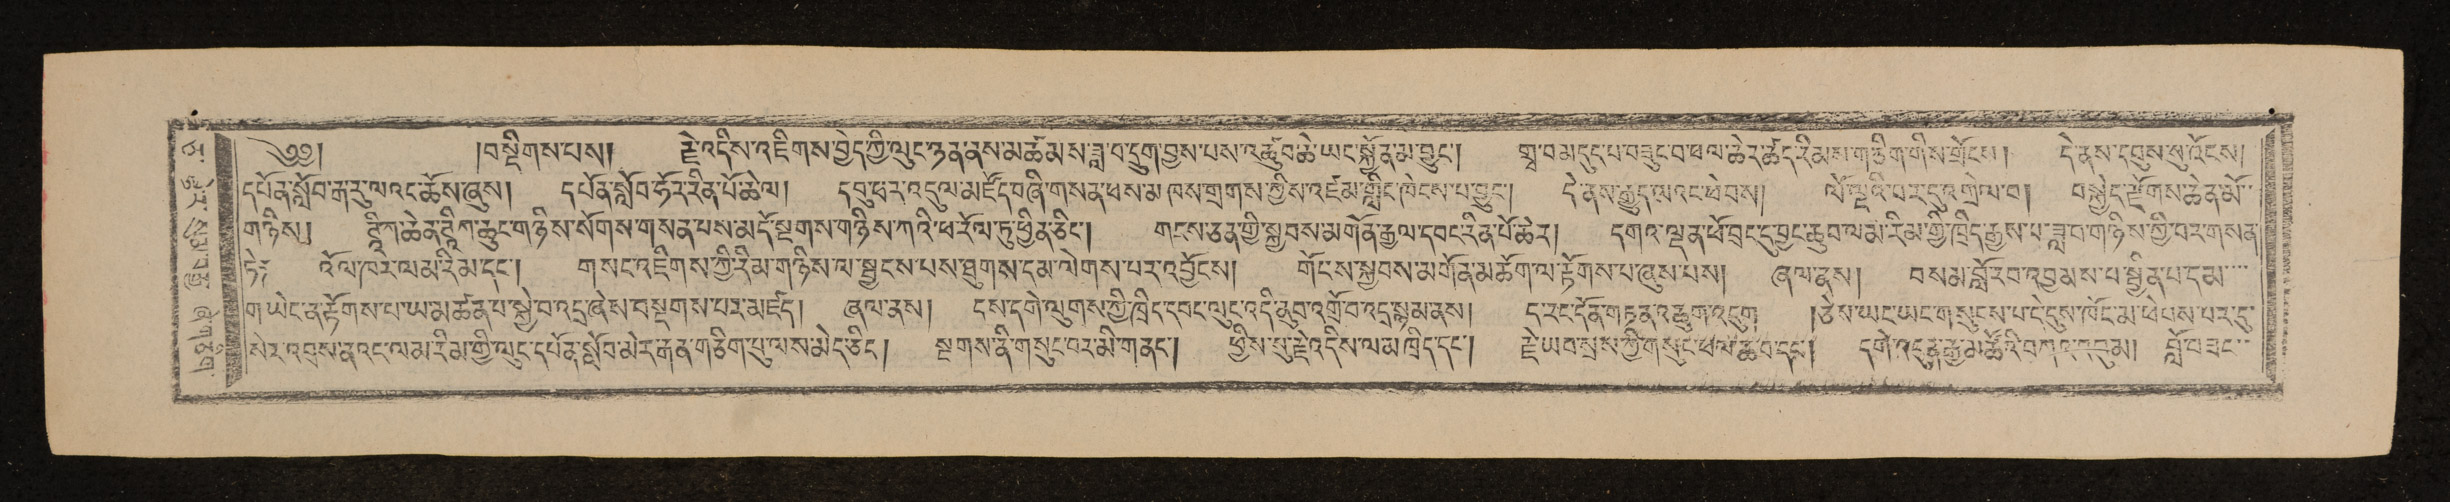༄༅། །བསྡིགས་པས། རྗེ་འདིས་འཇིགས་བྱེད་ཀྱི་ལུང་ཉན་ནས་མཚམས་ཟླ་བ་དྲུག་བྱས་པས་འཚུབ་ཆེ་ཡང་སྐྱོན་མ་བྱུང་། གྲྭ་བ་མདུད་པ་བཟུང་བ་ཕལ་ཆེར་ཚད་རིམས་གཅིག་གིས་གྲོངས། དེ་ནས་དབུས་སུ་འོངས།
དཔོན་སློབ་རྒ་རུ་ལའང་ཆོས་ཞུས། དཔོན་སློབ་ཧོར་རིན་པོ་ཆེ་ལ། དབུ་ཕར་འདུལ་མཛོད་བཞི་གསན་པས་མཁས་གྲགས་ཀྱིས་འཛམ་གླིང་ཁེངས་པ་བྱུང་། དེ་ནས་རྒྱུད་ལའང་ཕེབས། ལོ་ལྔའི་བར་དུ་འགྲེལ་པ། བསྐྱེད་རྫོགས་ཆེན་མོ་
གཉིས། ཊཱིཀ་ཆེན་ཊཱིཀ་ཆུང་གཉིས་སོགས་གསན་བས་མདོ་སྔགས་གཉིས་ཀའི་ཕ་རོལ་ཏུ་ཕྱིན་ཅིང་། གངས་ཅན་གྱི་སྐྱབས་མགོན་རྒྱལ་དབང་རིན་པོ་ཆེར། དགའ་ལྡན་ཕོ་བྲང་དུ་བྱང་ཆུབ་ལམ་རིམ་གྱི་ཁྲིད་རྒྱས་བ་ཟླ་བ་གཉིས་ཀྱི་བར་གསན་
ཏེ༑ འོ་ལ་ཁར་ལམ་རིམ་དང་། གསང་འཇིགས་ཀྱི་རིམ་གཉིས་ལ་སྦྱངས་པས་ཐུགས་དམ་ལེགས་པར་འབྱོངས། གོང་ས་སྐྱབས་མགོན་མཆོག་ལ་རྟོགས་པ་ཞུས་པས། ཞལ་ནས། བསམ་བློ་རབ་འབྱམས་པ་སྤྱིན་པ་དམ་
གཡེང་ན་རྟོགས་པ་ཡ་མཚན་པ་སྐྱེ་བ་འདྲ་ཞེས་བསྔགས་པར་མཛད། ཞལ་ནས། ངས་དགེ་ལུགས་ཀྱི་ཁྲིད་དབང་ལུང་འདི་ནུབ་འགྲོ་བ་འདྲ་སྙམ་ནས། ད་རང་དོན་གཏན་འཆུག་འདུག །ཅེས་ཡང་ཡང་གསུངས་པ་དེ་དུས་ཁོང་མ་ཕེབས་བར་དུ་
སེར་འབྲས་ནའང་ལམ་རིམ་གྱི་ལུང་དཔོན་སློབ་མེར་རྒན་གཅིག་པུ་ལས་མེད་ཅིང་། སྔགས་ནི་གསུང་བར་མི་གནང་། ཕྱིས་སུ་རྗེ་འདིས་ལམ་ཁྲིད་དང་། རྗེ་ཡབ་སྲས་ཀྱི་གསུང་ཕལ་ཆེ་བ་དང་། དགེ་འདུན་རྒྱ་མཚོའི་བཀའ་འབུམ། བློ་བཟང་